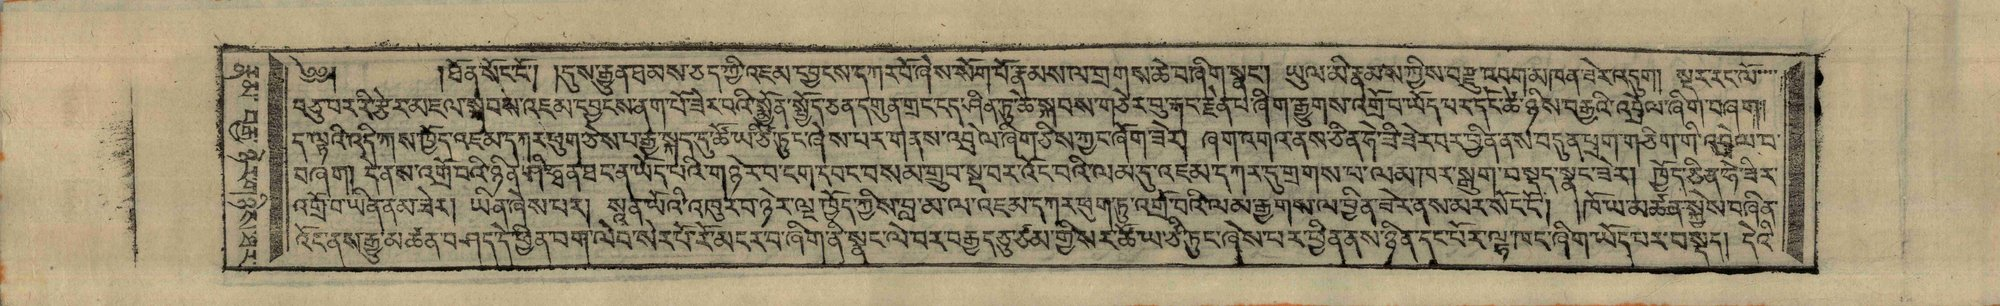༄༅། །ཐོན་སོང་ངོ། །དུས་རྒྱུན་ཐམས་ཅད་ཀྱི་འཇམ་དབྱངས་དཀར་པོ་ཞེས་སོག་པོ་རྣམས་ལ་གྲགས་ཆེ་བ་ཞིག་སྣང་། ཡུལ་མི་རྣམས་ཀྱིས་བརྫུ་འབག་མཁན་ཟེར་འདུག ། སྔར་རང་ལོ་
བཅུ་པར་རི་རྩེར་མཇལ་སྐབས་འཇམ་དབྱངས་ནག་པོ་ཟེར་བའི་སྨྱོན་སྤྱོད་ཅན་དགུན་གྲང་ངད་ཤིན་ཏུ་ཆེ་སྐབས་གཙེར་བུ་རྐང་རྗེན་པ་ཞིག་རྒྱུགས་འགྲོ་བ་ཡོད་པར་དོང་ཚེ་ཉིས་བརྒྱའི་འབྲེལ་ཞིག་བཞག །
ད་ལྟའི་འདི་ཀས་ཁྱོད་འཇམ་དཀར་ཕུག་ཅེས་པ་རྒྱ་སྐད་དུ་ཚོ་ཡ་ཙི་ཏུང་ཞེས་པར་གནས་འབྲེལ་ཞིག་ཅིས་ཀྱང་ཞོག་ཟེར། ཞག་འགའ་ནས་ཅིན་ཧེ་ཟི་ཟེར་བར་ཕྱིན་ནས་བདུན་ཕྲག་གཅིག་གི་འབྲེལ་བ་
བཞག །དེ་ནས་འགྲོ་བའི་ཉིན་ཤི་ཧྭན་ཐང་ན་ཡོད་པའི་གཉེར་བ་ངག་དབང་བསམ་གྲུབ་སྔ་བར་འོང་བའི་ལམ་དུ་འཇམ་དཀར་དུ་གྲགས་པ་ལམ་ཁར་སྒུག་བསྡད་སྣང་ཟེར། ཁྱོད་ཅིན་ཧེ་ཟིར་
འགྲོ་བ་ཡིན་ནམ་ཟེར། ཡིན་ཞེས་པར། སཱན་ཡོའི་འཁུར་བ་ཉེར་ལྔ་ཁྱོད་ཀྱིས་བླ་མ་ལ་འཇམ་དཀར་ཕུག་ཏུ་འགྲོ་བའི་ལམ་རྒྱགས་ལ་བྱིན་ཟེར་ནས་མར་སོང་ངོ། །ཁོ་ཡ་མཚན་སྐྱེས་བཞིན་
འོང་ནས་རྒྱུ་མཚན་བཤད་དེ་ཕྱིན་བག་ལེབ་སེར་པོ་རོ་མངར་བ་ཞིག་ནི་སྣང་ལེ་བར་བརྒྱད་ཅུ་ཙམ་གྱི་སར་ཚོ་ཡ་ཙི་ཏུང་ཞེས་པར་ཕྱིན་ནས་ཉིན་དང་པོར་ལྷ་ཁང་ཞིག་ཡོད་པར་བསྡད། དེའི་